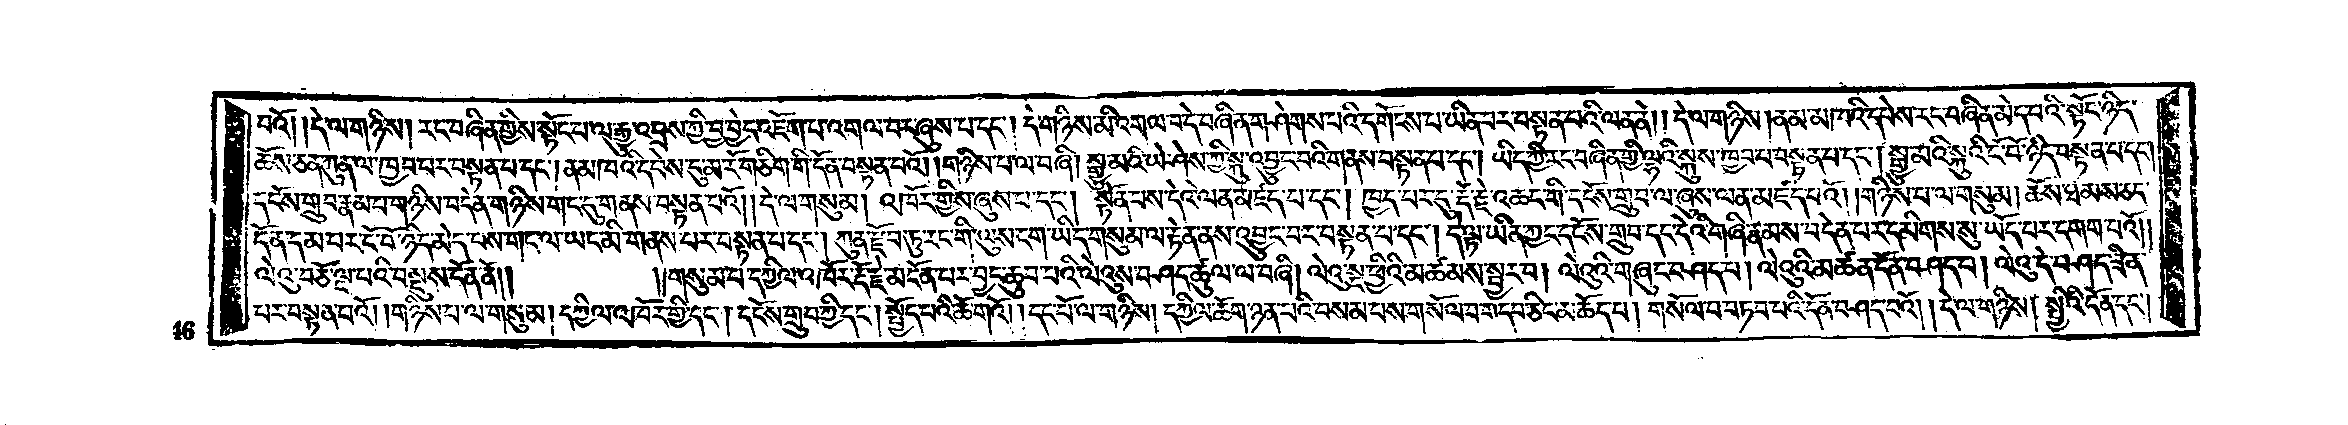བའོ། །དེ་ལ་གཉིས། རང་བཞིན་གྱིས་སྟེང་པ་ལ་རྒྱུ་འབྲས་ཀྱི་བྱ་བྱེད་འཇོག་པ་འགལ་བར་ཞུས་པ་དང་། དེ་གཉིས་མི་འགལ་བ་དེ་བཞིན་གཤེགས་པའི་དགོངས་པ་ཡིན་པར་བསྟན་པའི་ལན་ནོ། །དེ་ལ་གཉིས། ནམ་མཁའི་དཔེས་རང་བཞིན་མེད་པའི་སྟོང་ཉིད་
ཆོས་ཅན་ཀུན་ལ་ཁྱབ་པར་བསྟན་པ་དང་། ནམ་མཁའི་དཔེས་དུ་མ་རོ་གཅིག་གི་དོན་བསྟན་པའོ། །གཉིས་པ་ལ་བཞི། སྒྱུ་མའི་ཡེ་ཤེས་ཀྱི་སྐུ་འབྱུང་བའི་གནས་བསྟན་པ་དང་། ཡིད་ཀྱི་རང་བཞིན་གྱི་ལྷའི་སྐུས་ཁྱབ་པ་བསྟན་པ་དང་། སྒྱུ་མའི་སྐུའི་ངོ་བོ་ཉིད་བསྟན་པ་དང་།
དངོས་གྲུབ་རྣམ་པ་གཉིས་བདེན་གཉིས་གང་དུ་གནས་བསྟན་པའོ། །དེ་ལ་གསུམ། འཁོར་གྱིས་ཞུས་པ་དང་། སྟོན་པས་དེའི་ལན་མཛད་པ་དང་། ཁྱད་པར་དུ་རྡོ་རྗེ་འཆང་གི་དངོས་གྲུབ་ལ་ཞུས་ལན་མཛད་པའོ། །གཉིས་པ་ལ་གསུམ། ཆོས་ཐམས་ཅད་
དོན་དམ་པར་ངོ་བོ་ཉིད་མེད་པས་གང་ལ་ཡང་མི་གནས་པར་བསྟན་པ་དང་། ཀུན་རྫོབ་ཏུ་རང་གི་ལུས་ངག་ཡིད་གསུམ་ལ་རྟེན་ནས་འབྱུང་བར་བསྟན་པ་དང་། དེ་ལྟ་ཡིན་ཀྱང་དངོས་གྲུབ་དང་དེའི་གཞི་རྣམས་བདེན་པར་དམིགས་སུ་ཡོད་པར་དགག་པའོ།།
ལེའུ་བཅོ་ལྔ་པའི་བསྡུས་དོན་ནོ།། །།གསུམ་པ་དཀྱིལ་འཁོར་རྡོ་རྗེ་མངོན་པར་བྱང་ཆུབ་པའི་ལེའུས་བཤད་ཚུལ་ལ་བཞི། ལེའུ་སྔ་ཕྱིའི་མཚམས་སྦྱར་བ། ལེའུའི་གཞུང་བཤད་པ། ལེའུའི་མཚན་དོན་བཤད་པ། ལེའུ་དེ་བཤད་ཟིན་
པར་བསྟན་པའོ། །གཉིས་པ་ལ་གསུམ། དཀྱིལ་འཁོར་གྱི་དང་། དངོས་གྲུབ་ཀྱི་དང་། སྤྱོད་པའི་ཆོ་གའོ། །དང་པོ་ལ་གཉིས། དཀྱིལ་ཆོག་ཉན་པའི་བསམ་པས་གསོལ་བ་གདབ་ཅིང་མཆོད་པ། གསོལ་བ་བཏབ་པའི་དོན་བཤད་པའོ། །དེ་ལ་གཉིས། སྤྱིའི་དོན་དང་།